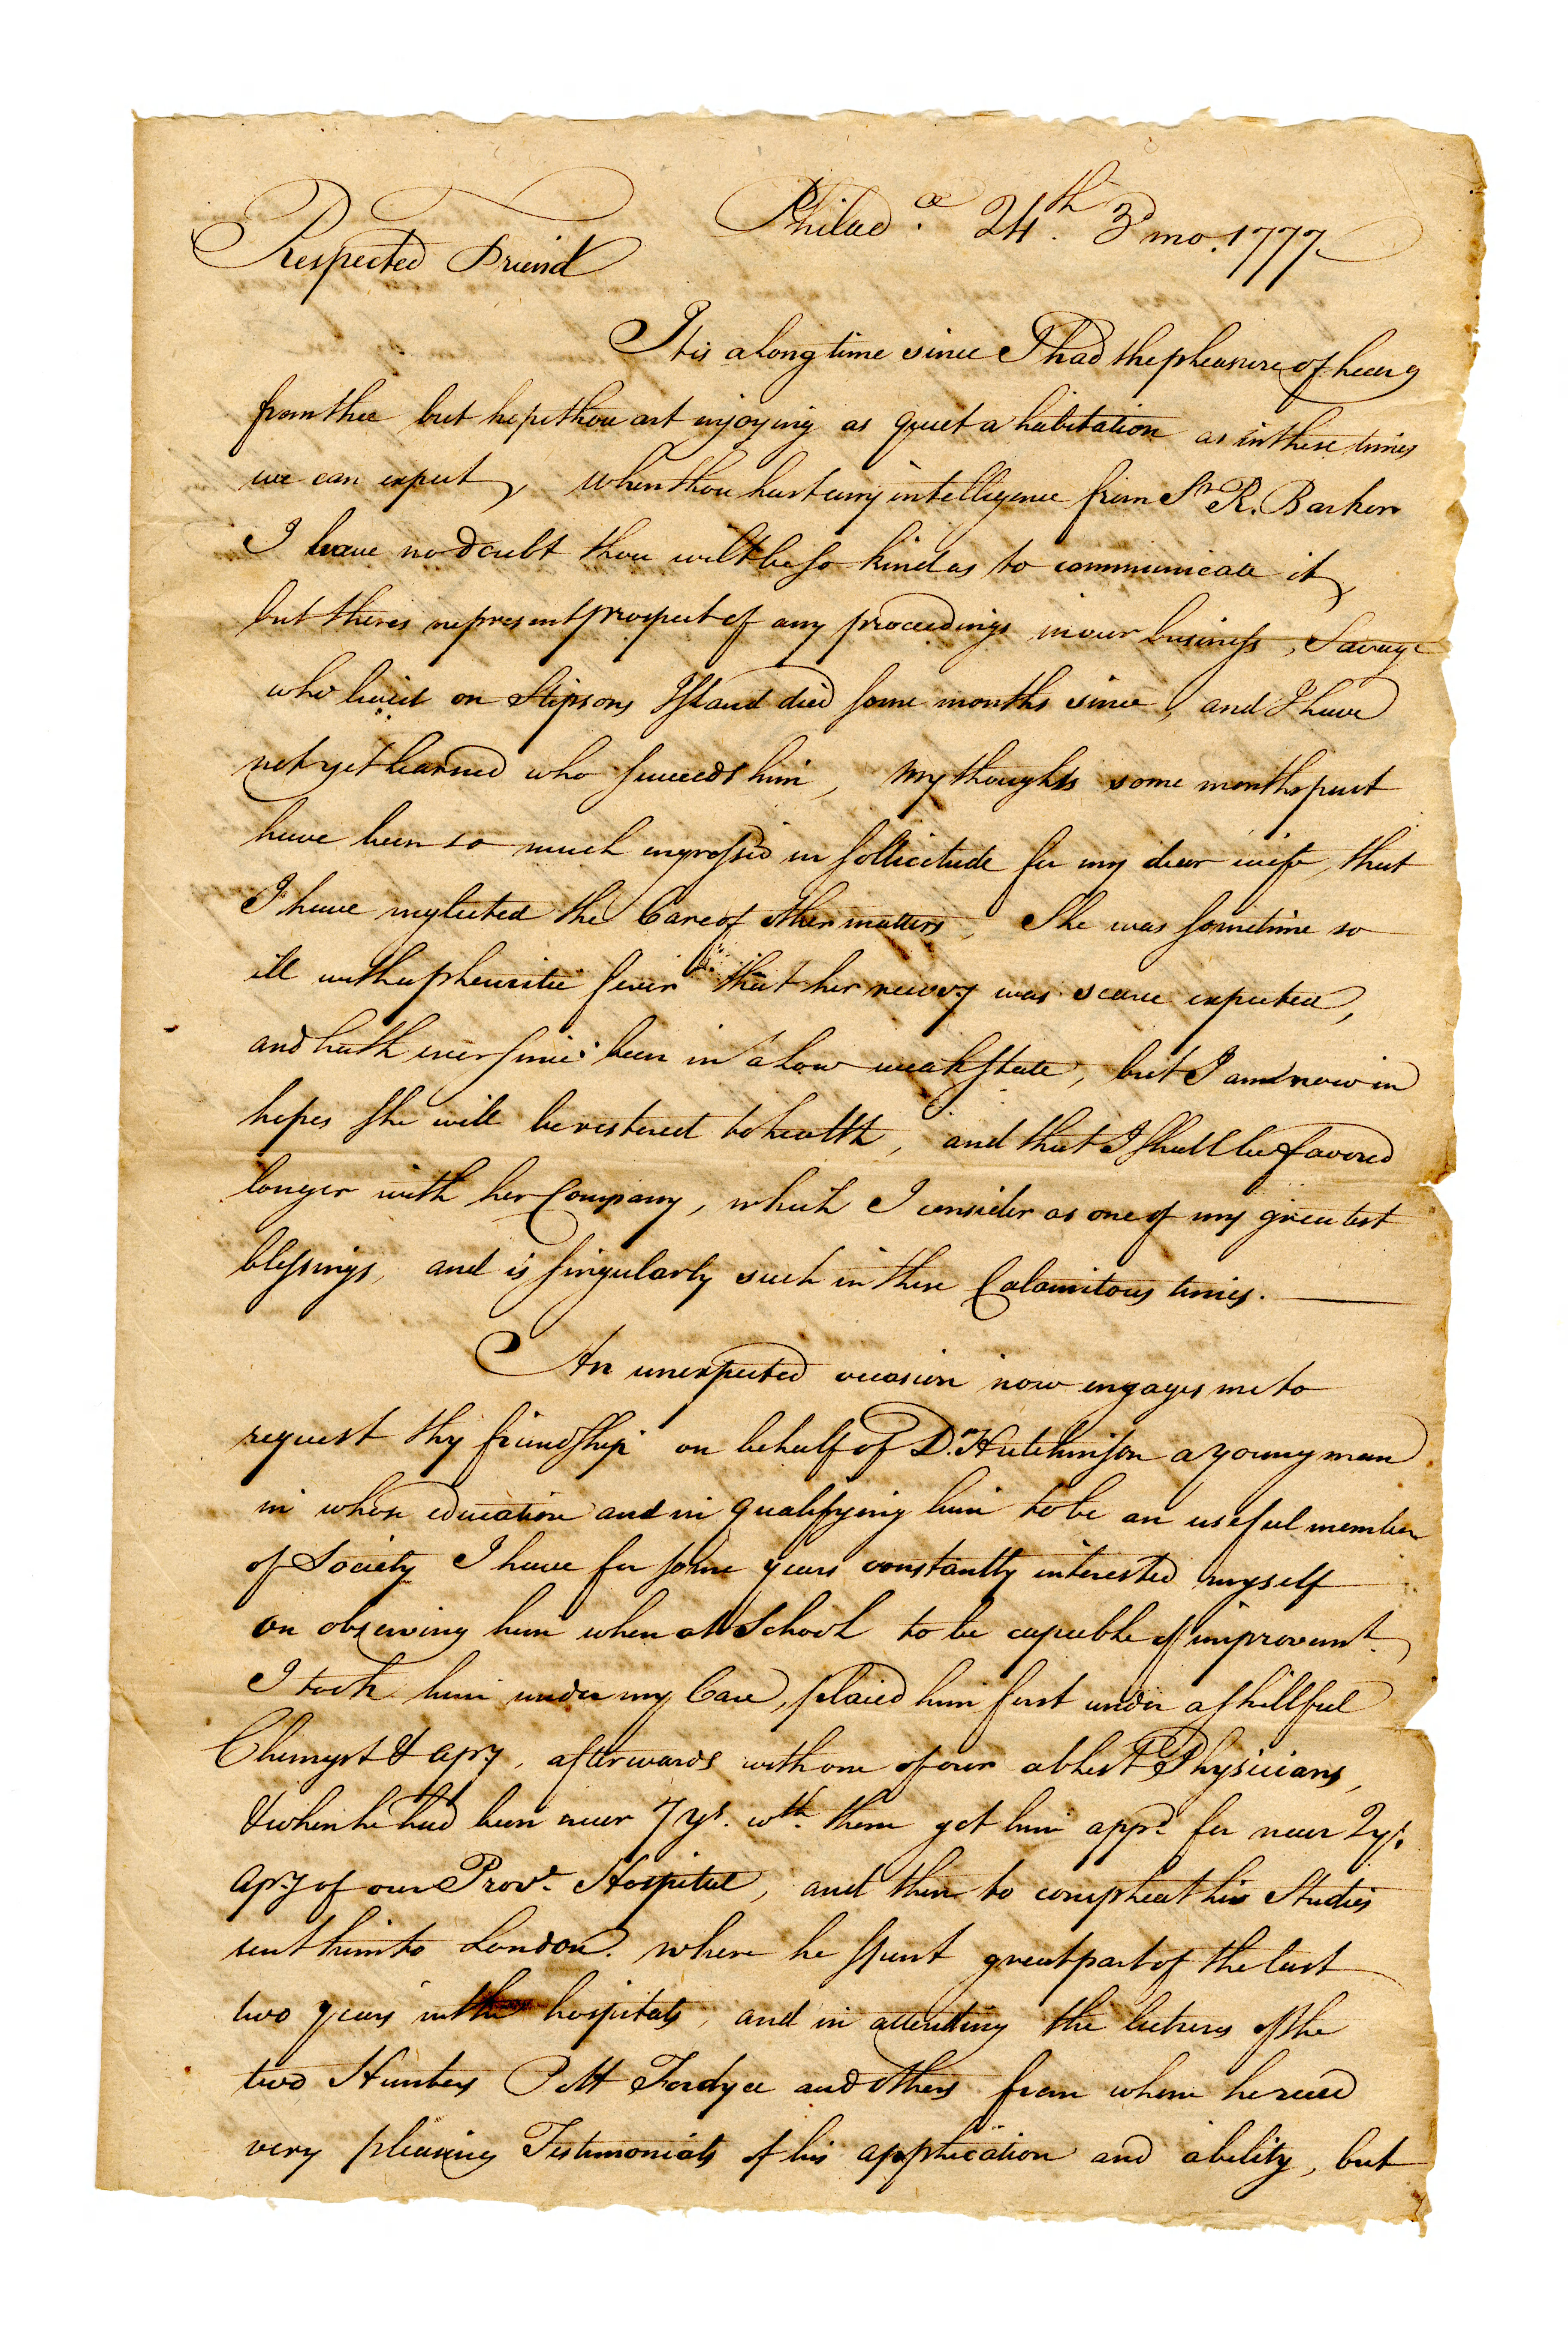Philad^a. 24^th. 3^d mo. 1777
Respected Friend
It is a Long time since I had the pleasure of hearg
from thee but hope thou art enjoying as quiet a habitation as in these times
we can expect. When thou hast any intelligence from S^r. R. Barker
I have no doubt thou wilt be so kind as to communicate it,
but theres no present prospect of any proceedings in our business, Savage
who lived on Stipsons Island died some months since, and I have
not yet learned who succeeds him, my thoughts some months past
have been so much engrossed in Sollicitude for my dear wife, that
I have neglected the Care of other matters. She was Sometime so
ill with a pleuritic fever that her recovery was scare expected,
and hath ever since been in a Low weak state, but I am now in
hopes she will be restored to health, and that I shall be favored
longer with her Company, which I consider as one of my greatest
blessings, and is singularly such in these Calamitous times.-
An unexpected occasion now engages me to
request thy friendship on behalf of D^r. Hutchinson a young man
in whose education and in qualifying him to be an useful member
of Society I have for some years constantly interested myself
on observing him when at School to be capable of improvem^t.
I took him under my Care, placed him first under a skillful
Chymist & ap.y, afterwards with one of our ablest Physicians,
& when he had been over 7 y^s. w^th. them got him app^d. for near 2 y^s.
ap.y of our Prov^l. Hospital, and then to compleat his Studies
sent him to London where he spent great part of the last
two years in the hospitals, and in attending the lectures of the
two Hunters Pott Fordyce and others from whom he recd
very pleasing Testimonials of his application and ability, but